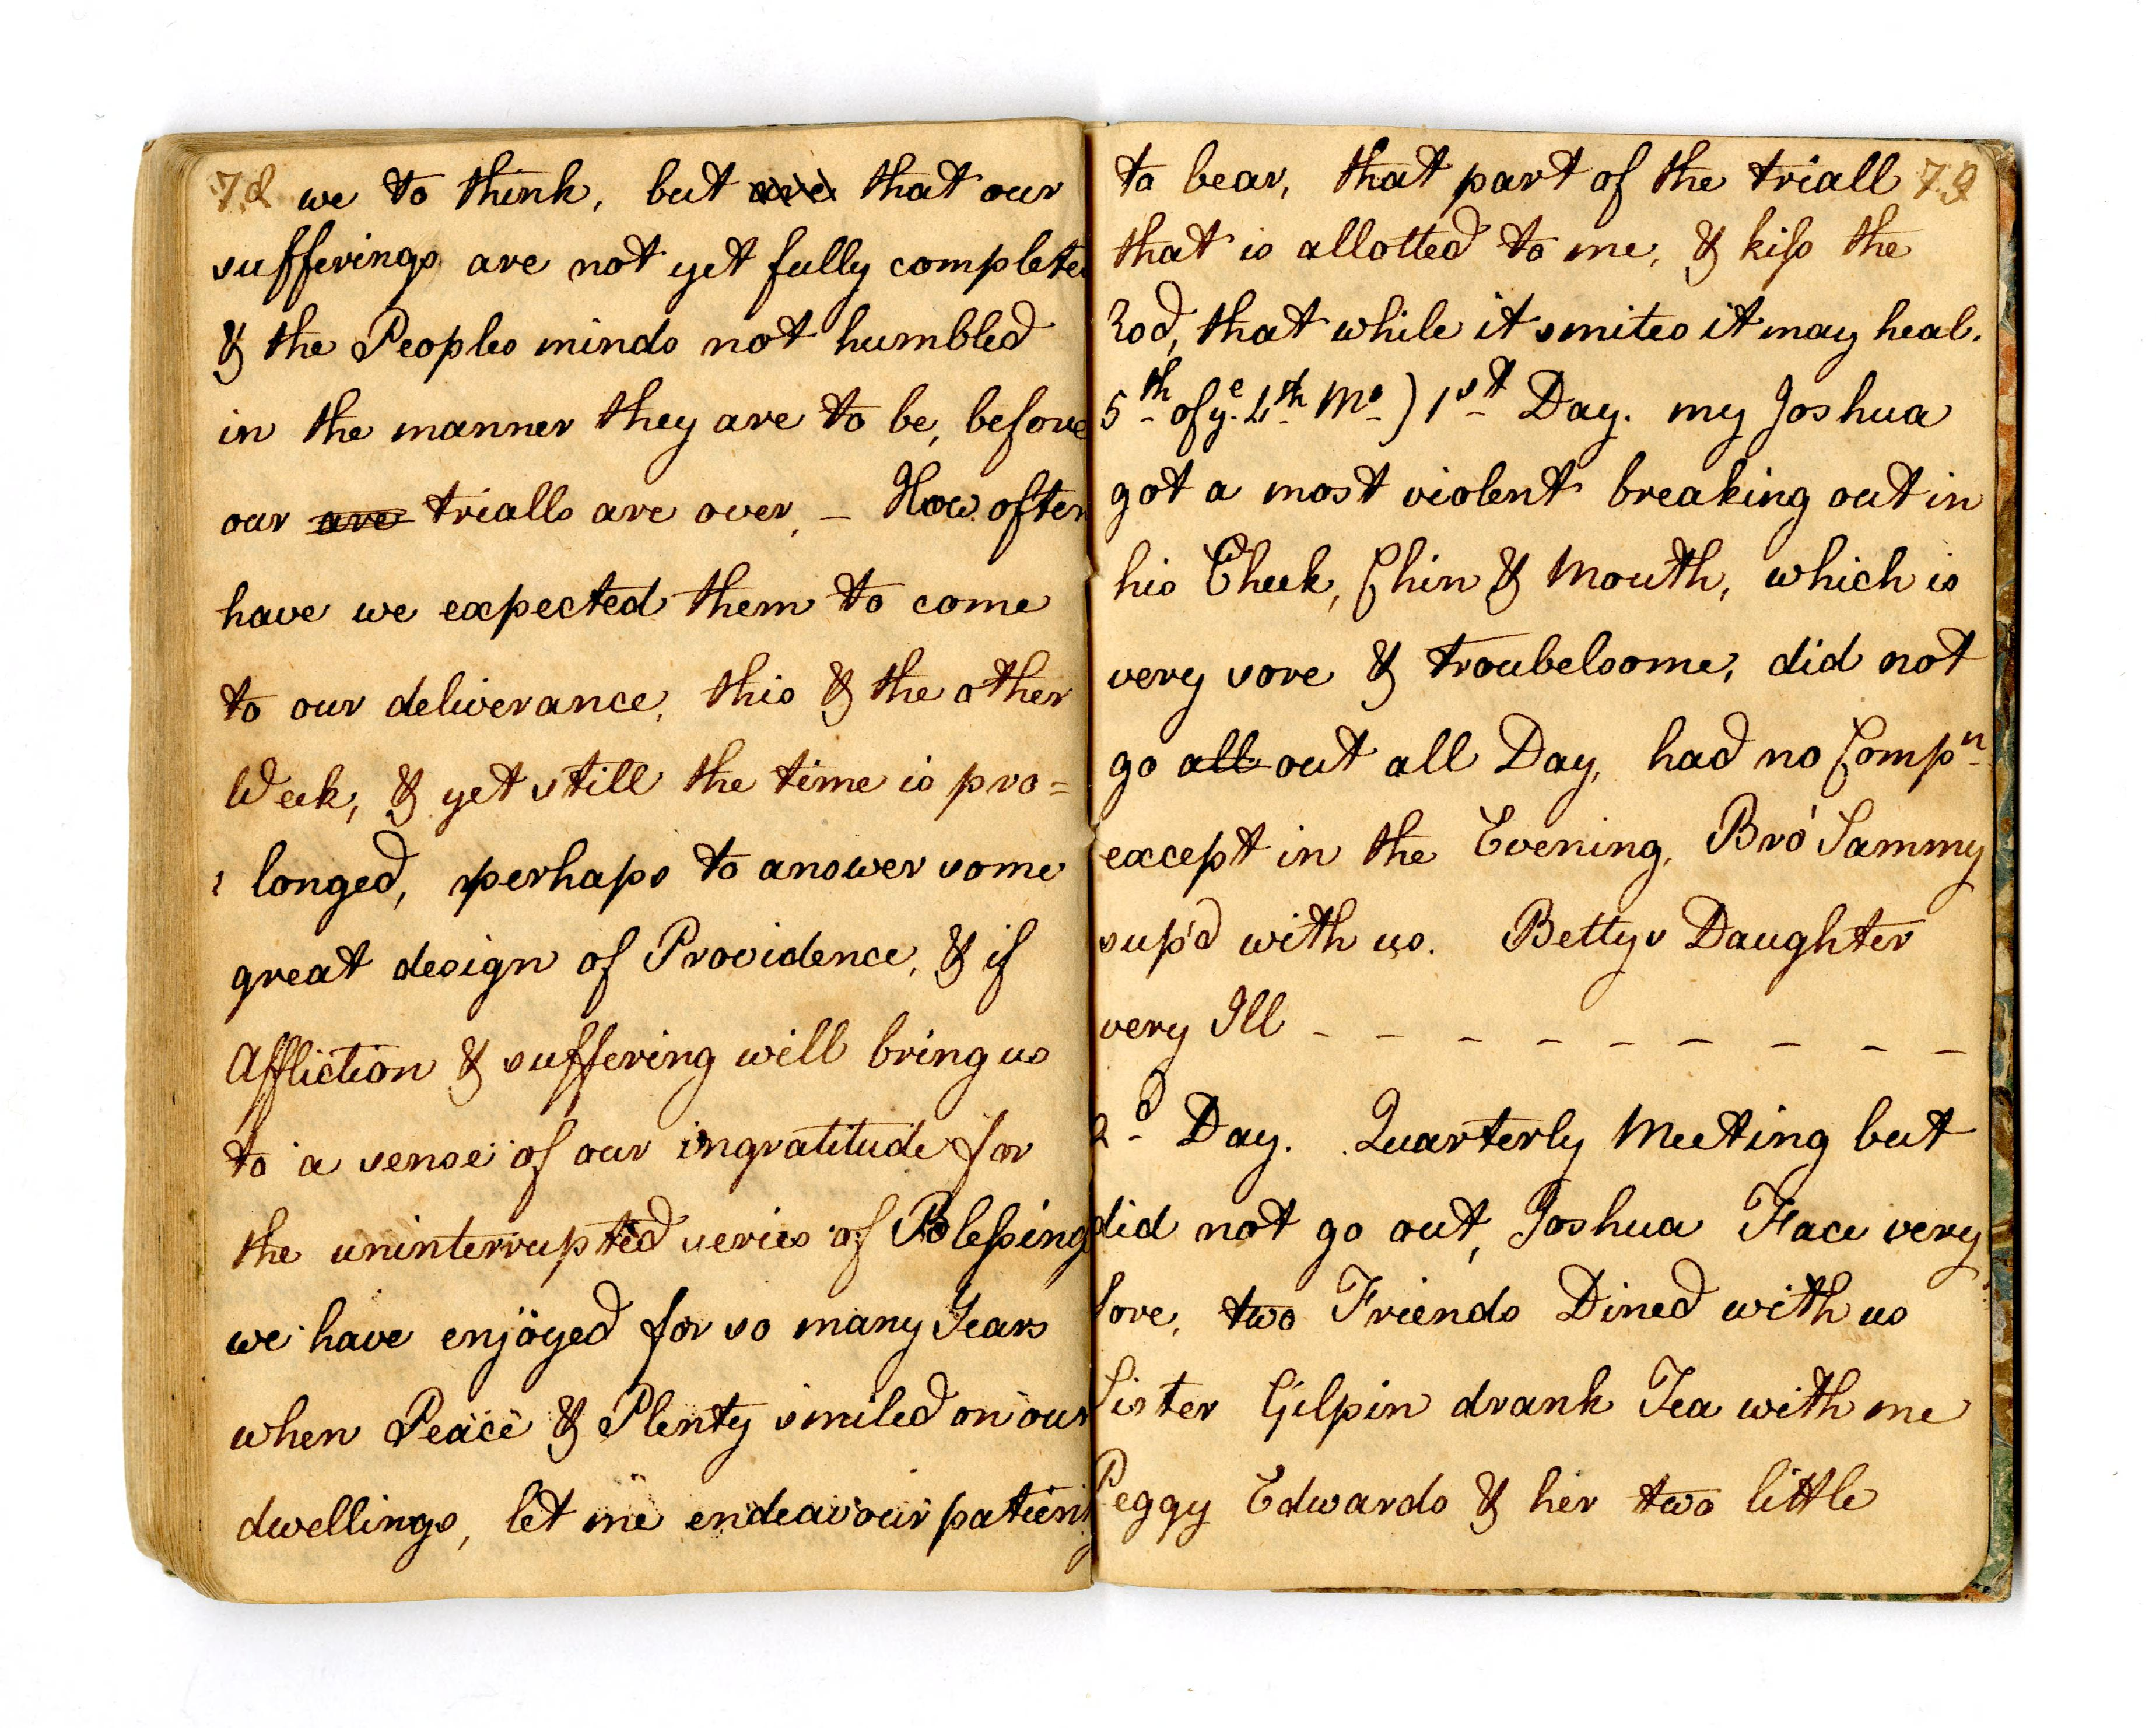we to think, but [are] that our
sufferings are not yet fully complete
& the Peoples minds not humbled
in the manner they are to be, before
our [___] trialls are over,- How often
have we expected them to come
to our deliverance, this & the other
Week, & yet still the time is pro-
-longed, perhaps to answer some
great design of Providence, & if
Affliction & suffering will bring us
to a sense of our ingratitude for
the uninterrupted series of Blessing
we have enjoyed for so many Years
when Peace & Plenty smiled on our
dwellings, let me endeavour patien
to bear, that part of the triall
that is allotted to me, & kiss the
rod, that while it smites it may heal,
5^th of y^e 4^th M^o ) 1^st Day. my Joshua
got a most violent breaking out in
his Cheek, Chin & Mouth, which is
very sore & troubelsome, did not
go [all] out all Day, had no Comp^n
except in the Evening, Bro' Sammy
sup'd with us. Bettys Daughter
very Ill--
2^d Day. Quarterly Meeting but
did not go out, Joshua Face very
sore, two Friends Dined with us
Sister Gilpin drank Tea with me
Peggy Edwards & her two little